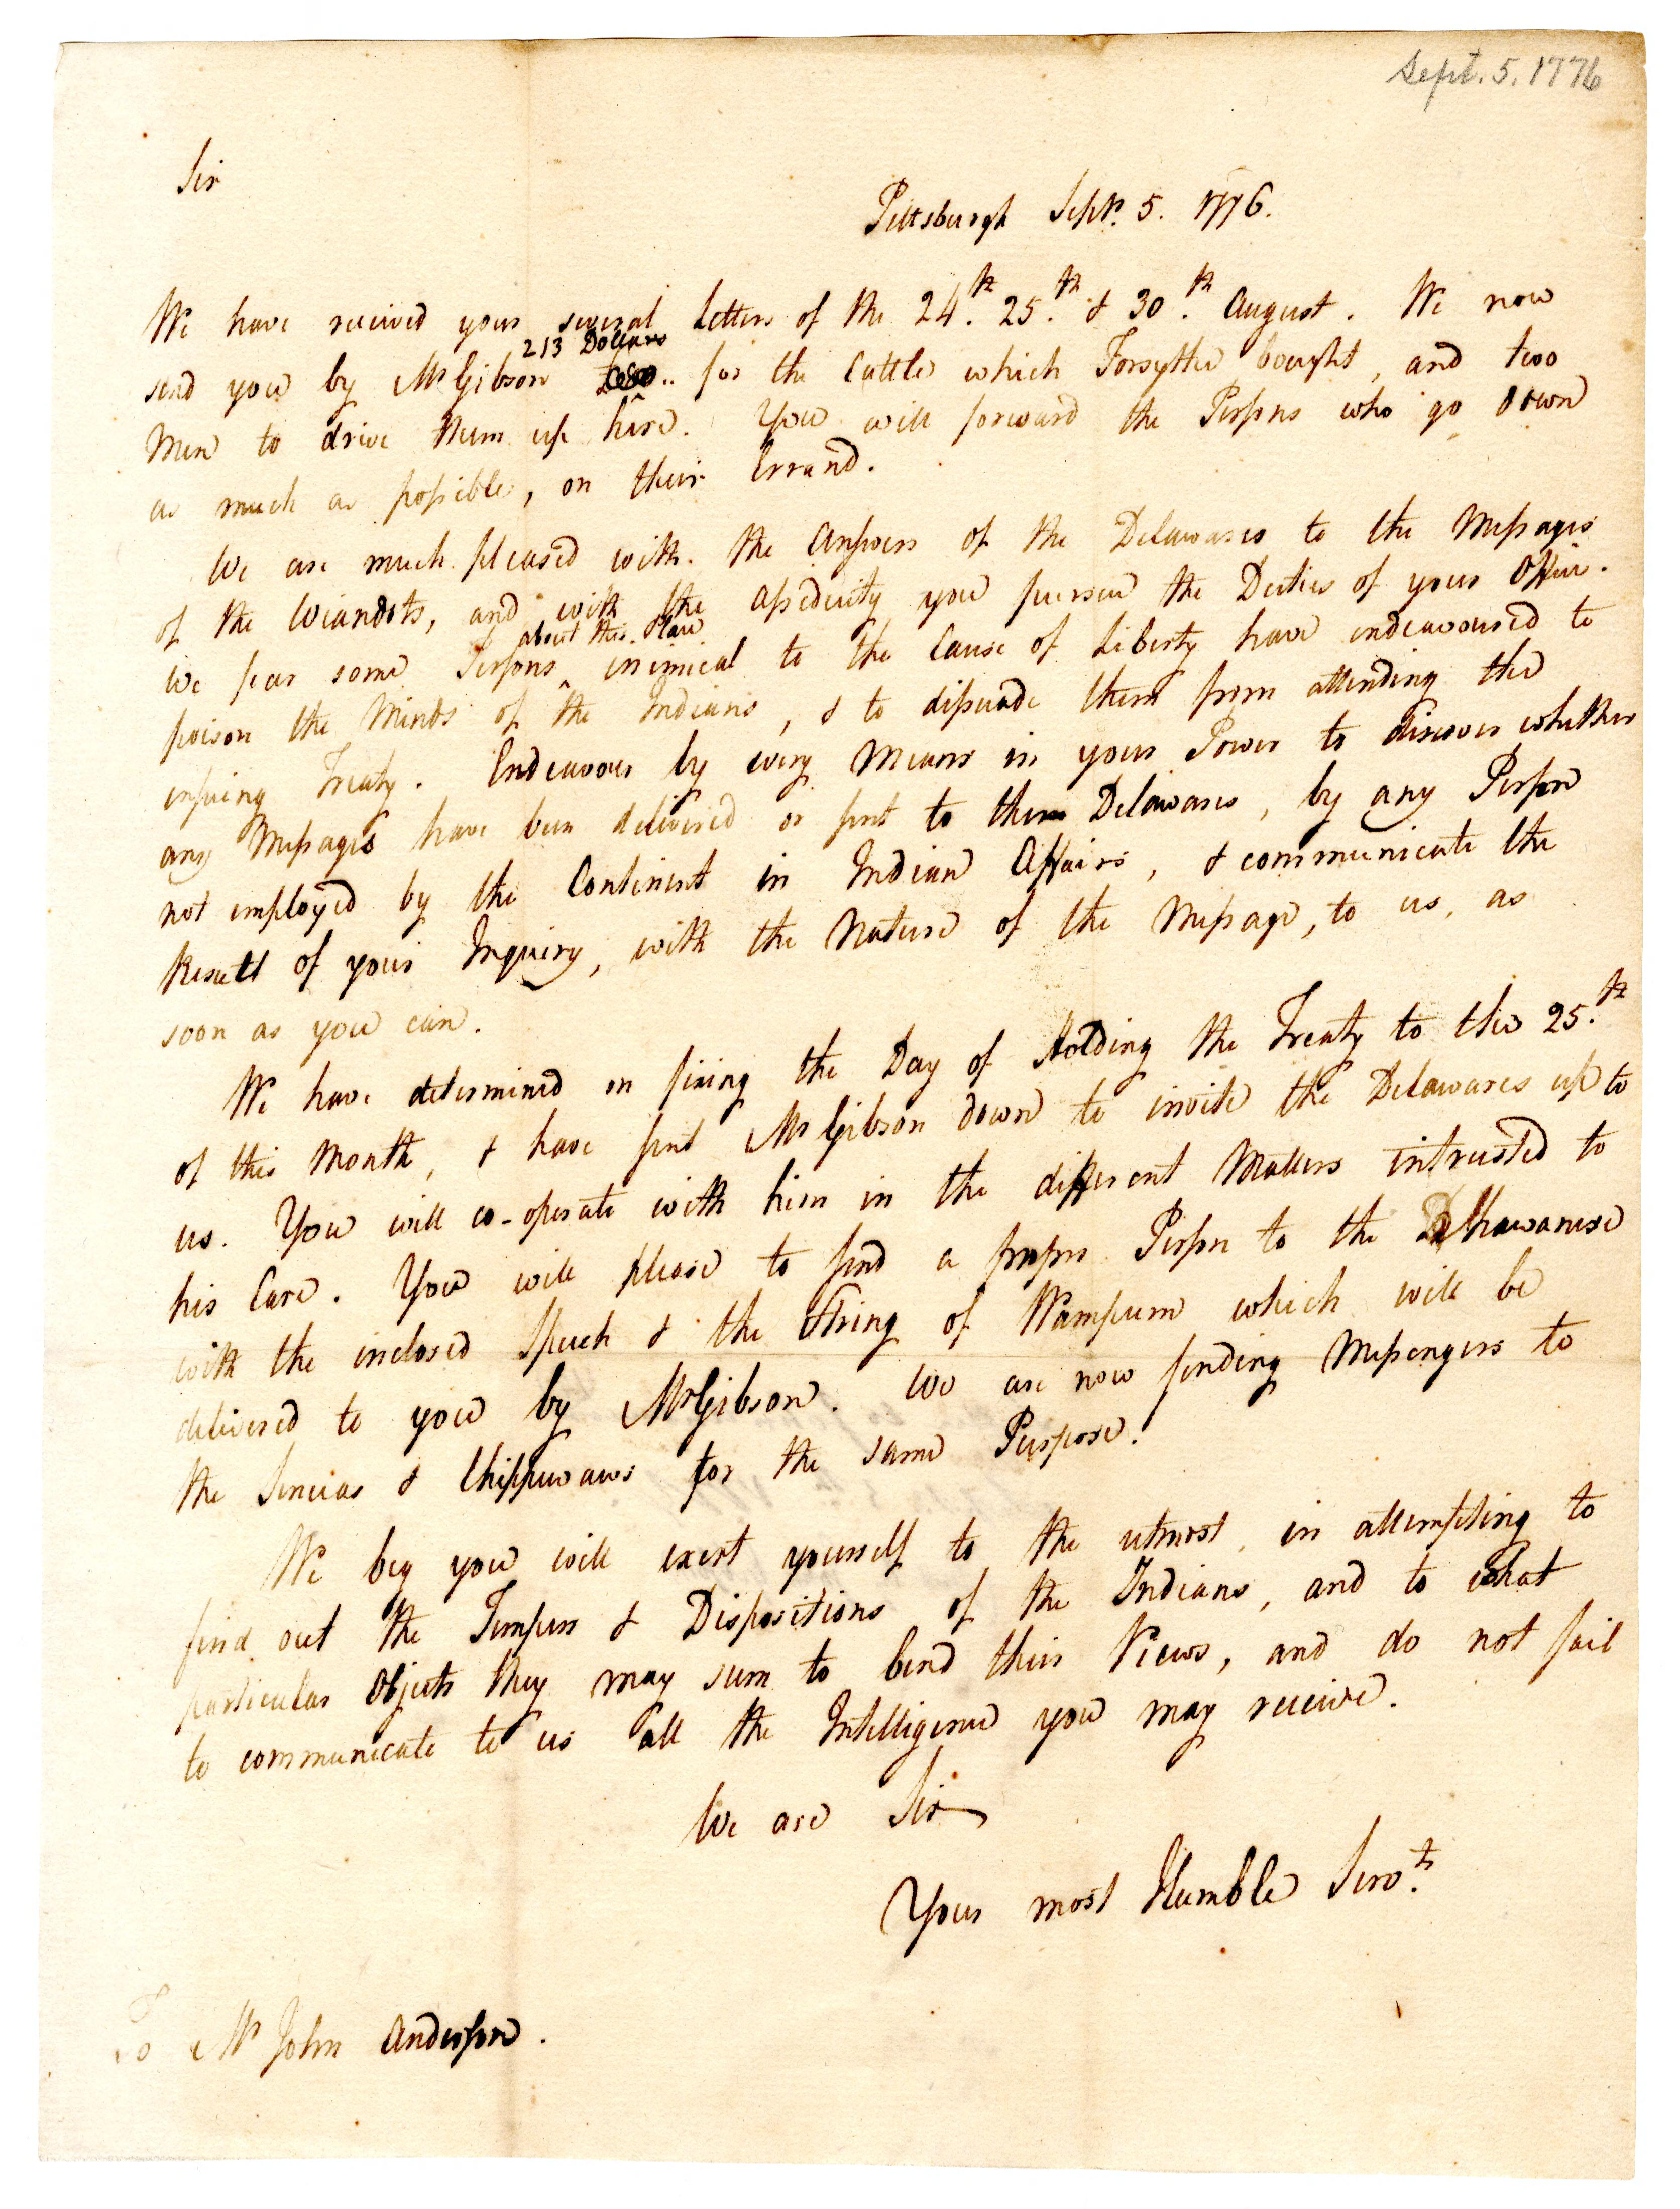Pittsburgh Sept^r. 5. 1776.
Sir
We have received your several Letters of the 24^th. 25^th. & 30^th. August. We now
213 Dollars
send you by M^r Gibson ^ [___] for the Cattle which Forsythe bought, and two
Men to drive them up here. You will forward the Persons who go down
as much as possible, on their Errand.
We are much pleased with. the Answers of the Delawares to the Messages
of the Wiandots, and with the assiduity you pursue the Duties of your Office.
about this Place
We fear some Persons ^ inimical to the Cause of Liberty have endeavoured to
poison the Minds of the Indians, & to dissuade them from attending the
insuing Treaty. Endeavours by every means in your Power to discover whether
any Messages have been delivered or sent to the Delawares, by any Person
not employed by the Consent in Indian Affairs, & communicate the
Result of your Inquiry, with the Nature of the message, to us, as
soon as you can.
We have determined in fixing the Day of Holding the Treaty to the 25^th.
of this month, & have Sent M^r Gibson down to invite the Delawares up to
us. You will co-operate with him in the different Matters intrusted to
his Care. You will please to find a proper Person to the Shawanese
with the inclosed speech & the String of Wampum which will be
delivered to you by M^r Gibson. We are now finding messengers to
the Senecas & Chippawaws for the same Purpose.
We beg you will exert yourself to the utmost in attempting to
find out the Temper & Dispositions of the Indians, and to what
particular Objects they may sum to bend their Views, and do not fail
to communicate to us all the Intelligence you may receive.
We are Sir
Your most Humble Serv^t.
To M^r John Anderson.